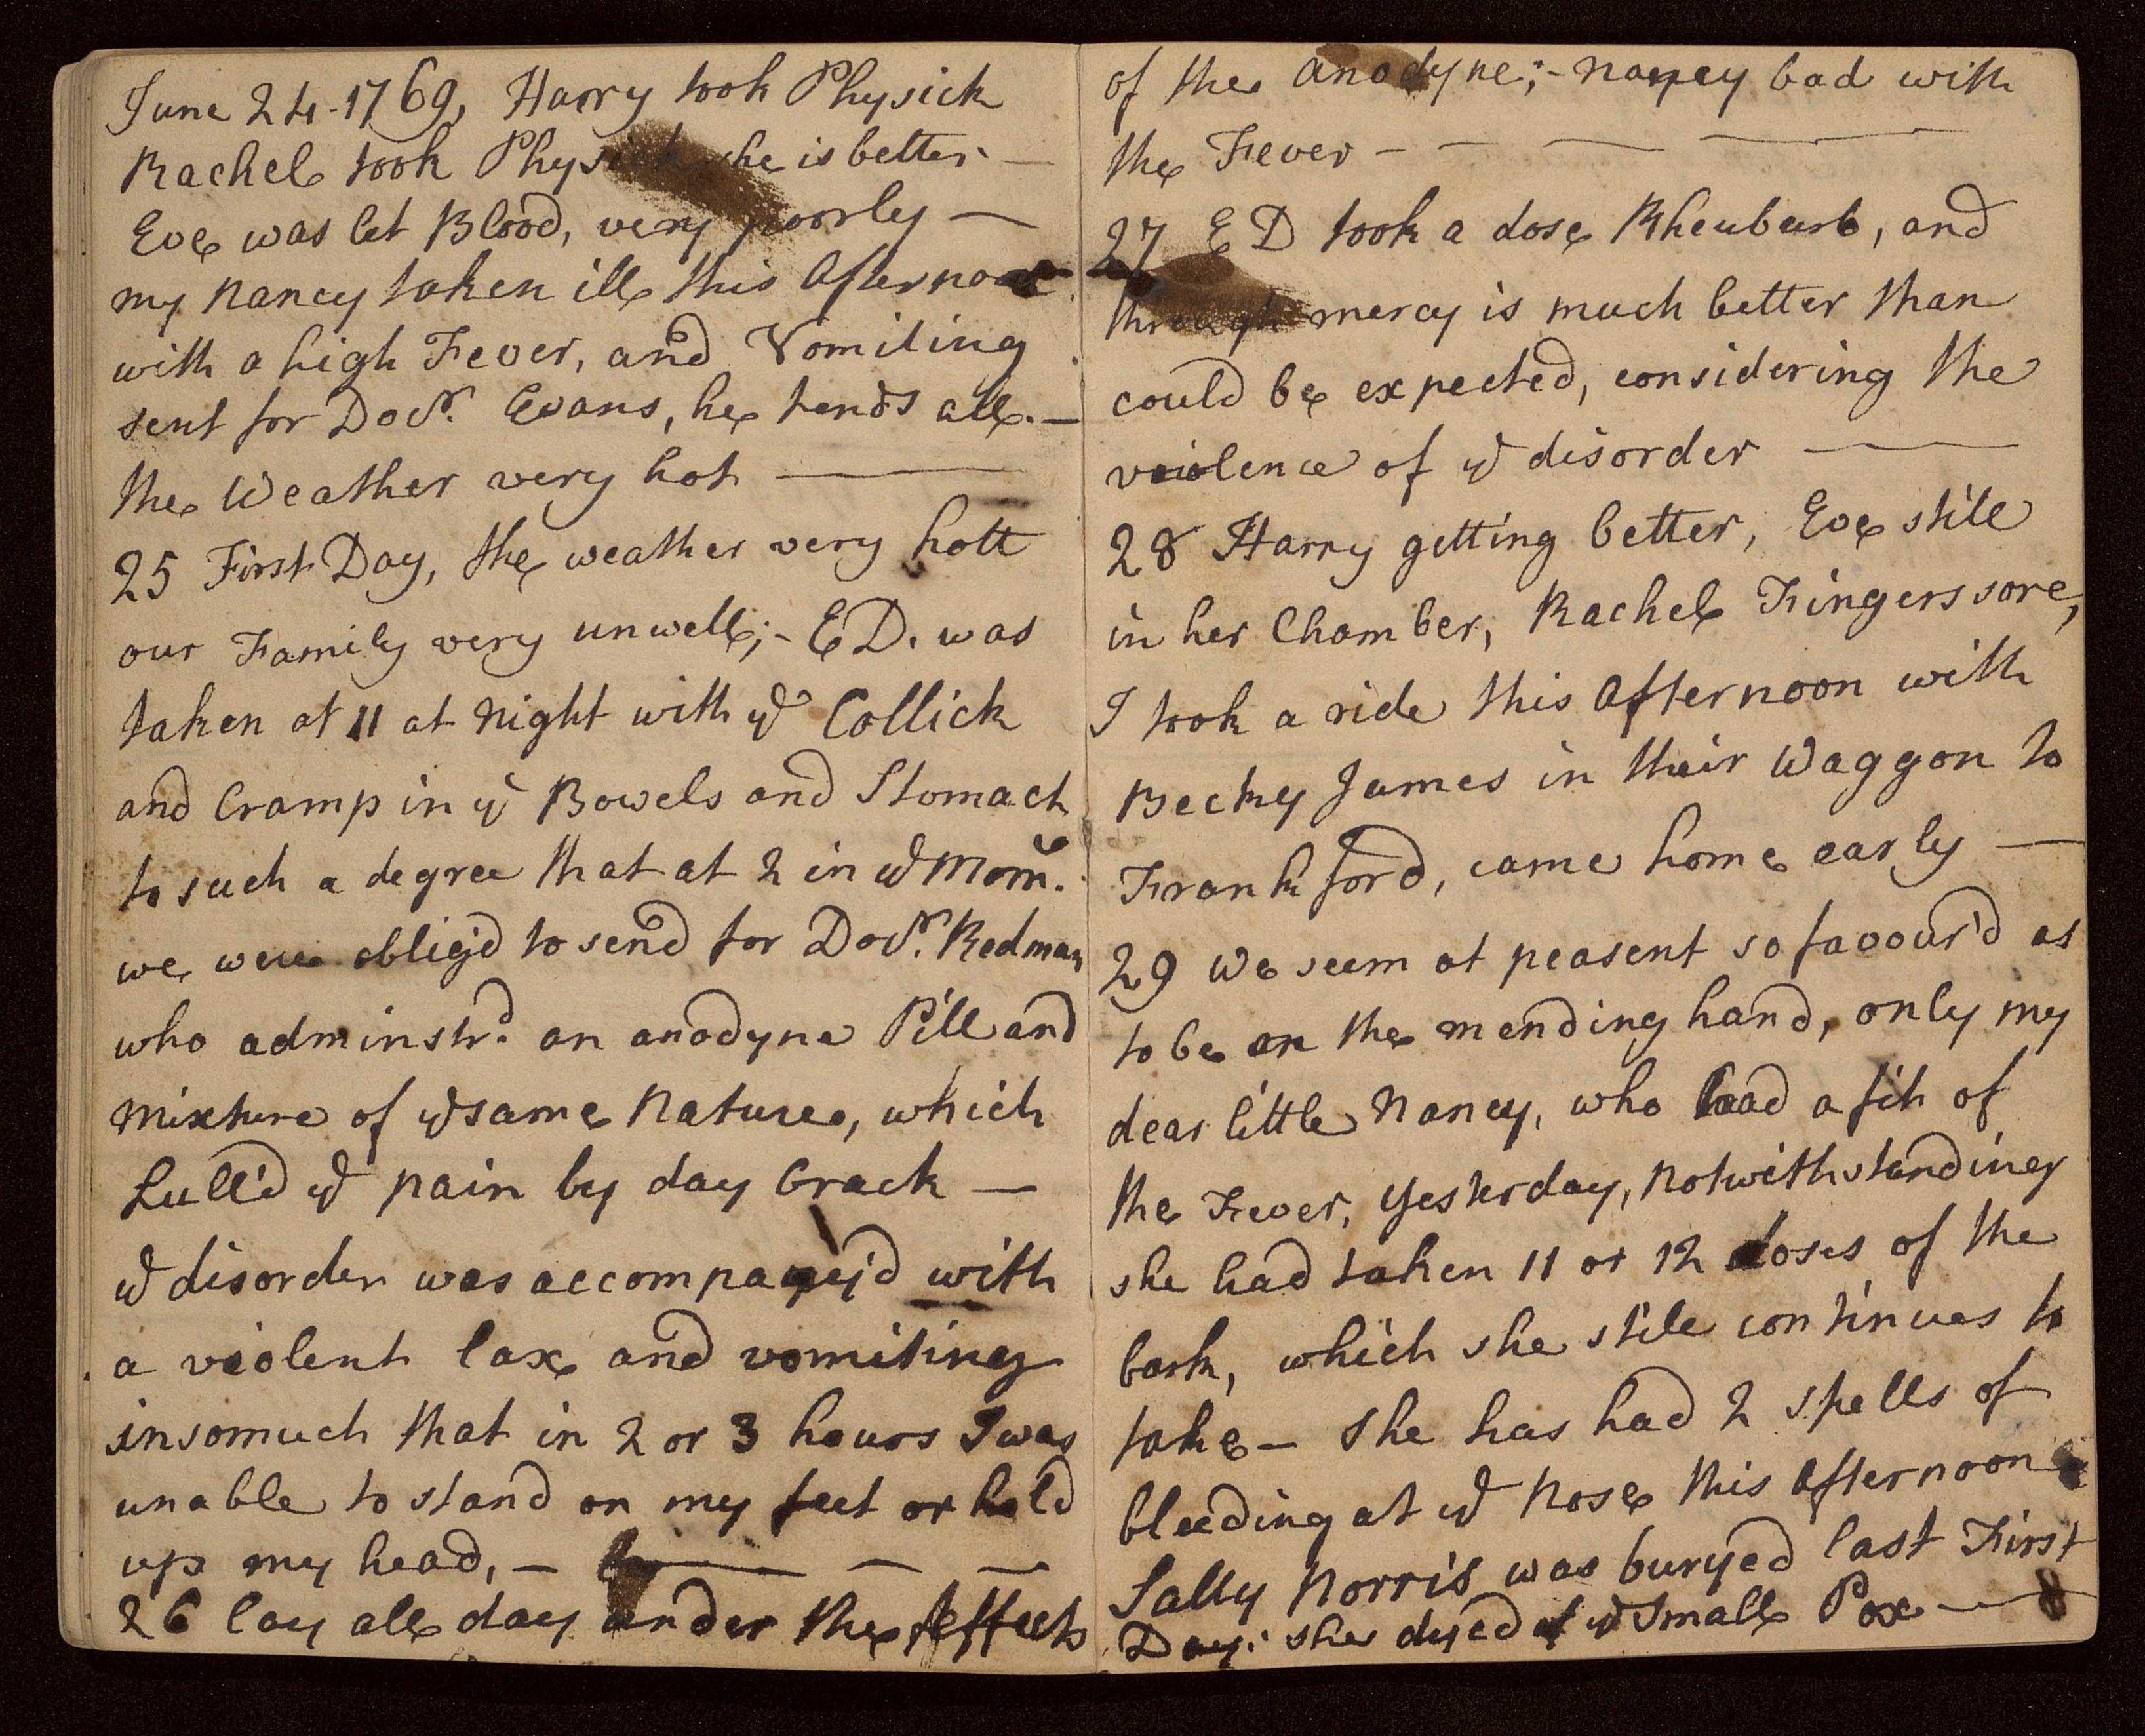June 24-1769, Harry took Physick
Rachel took Physick she is better-
Eve was let Blood, very poorly-
my Nancy taken ill this Afterno[on]
with a high Fever, and Vomiting
sent for Doc^r. Evans, he tends all.-
the Weather very hot-
25 First Day, the weather very hott
our Family very unwell;- E D. was
taken at 11 at night with y^e Collick
and Cramp in y^e Bowels and Stomach
to such a degree that at 2 in y^e Morn^g.
we were oblig'd to send for Doc^r Redman
who adminstr^d. an anodyne Pill and
mixture of y^e same Nature, which
Lull'd y^e pain by day brack-
y^e disorder was accompany'd with
a violent lax and vomiting
insomuch that in 2 or 3 hours I was
unable to stand on my feet or hold
up my head,-
26 lay all day under the effects
of the Anodyne; Nancy bad will
the Fever-
27 E D took a dose Rheubarb, and
through mercy is much better than
could be expected, considering the
voiolence of y^e disorder
28 Harry getting better, Eve still
in her Chamber, Rachel Fingers sore,
I took a ride this Afternoon with
Becky James in their Waggon to
Frankford, came home early-
29 we seem at peasent so favour'd as
to be on the mending hand, only my
dear little Nancy, who had a fit of
the Fever, Yesterday, Notwithstanding
she had taken 11 or 12 doses of the
bark, which she still continues to
take- She has had 2 spells of
bleeding at y^e nose this afternoon
Sally Norris was buryed last First
Day: she dyed of y^e Small Pox -